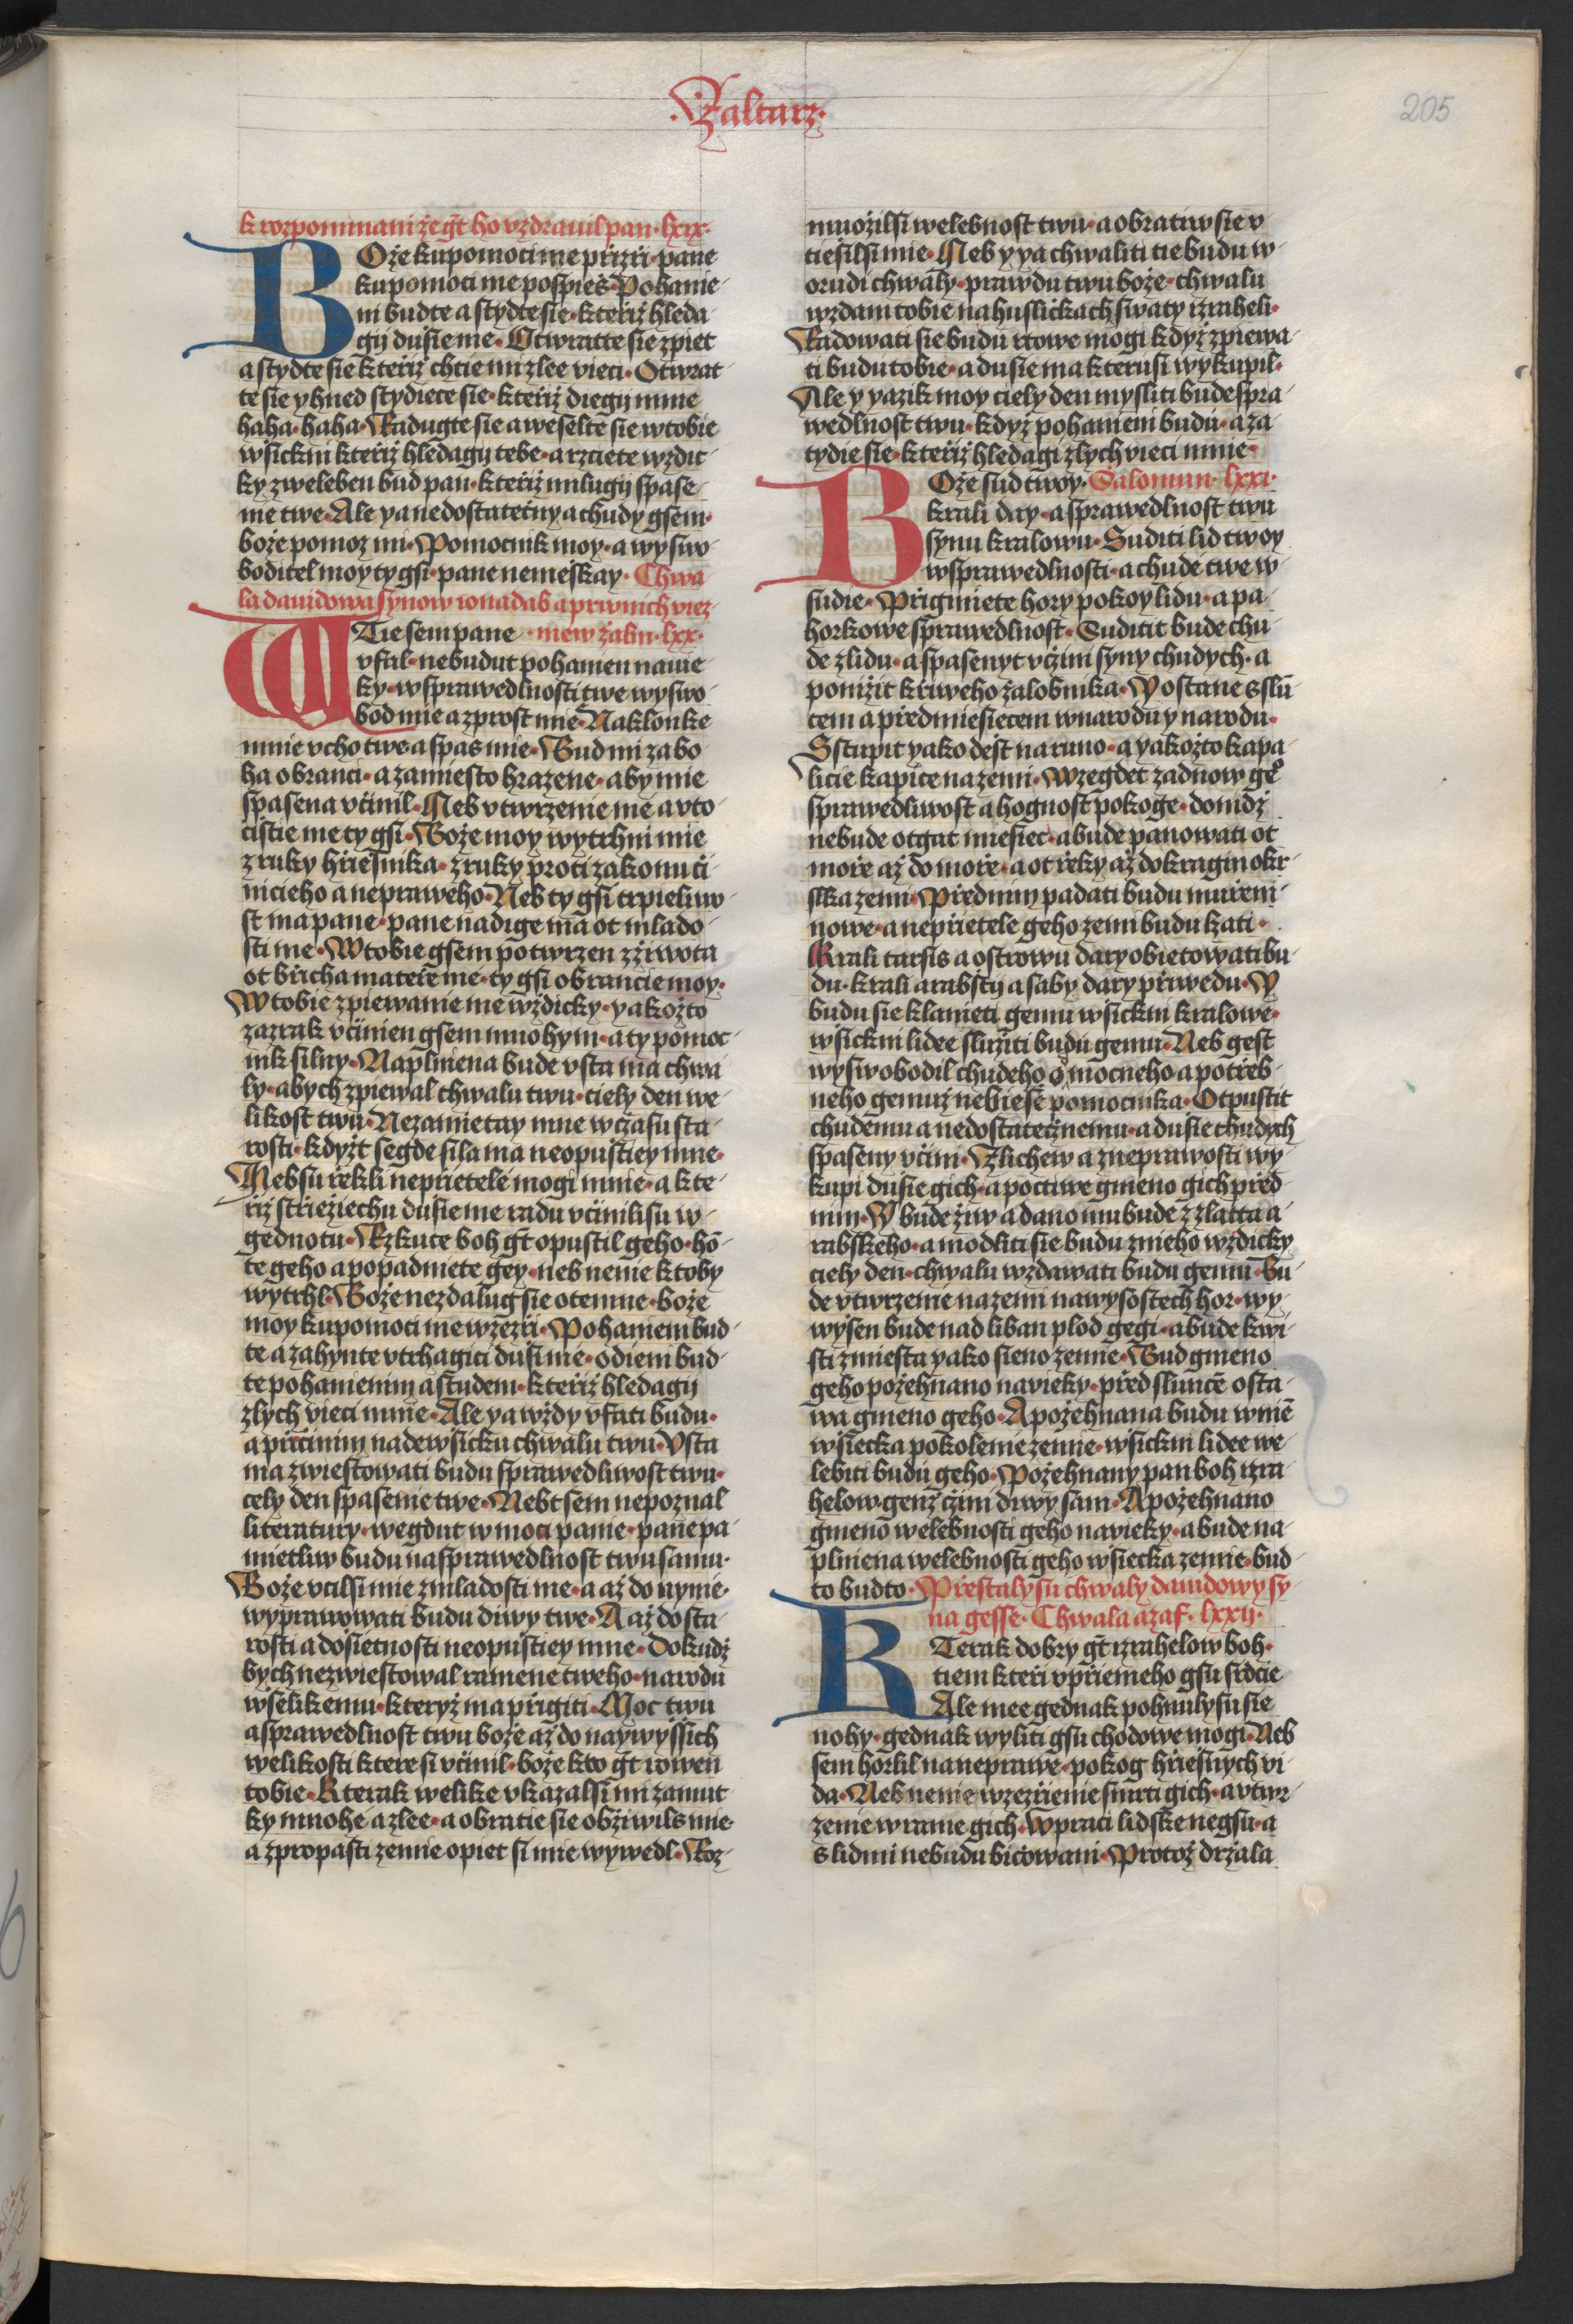krozpominani że gt ho uzdrauil pan lxix.
Ože kupomoci me pṙizṙi.pane
kupamoci mepoſpieṡ.Pohanie¬
ni budte a ſtydte ſie.kteṙiż hleda¬
gij duẛíe me.Otwratte ſie zpiet
a ſtydte ſie kteṙiż chtie mi zlee vieci.Otwrat¬
te ſie yhned stydiece ſie.kteṙiż diegii mnie
haha.haha.Radugte ſie a weſelte ſie wtobie
vẛickni kteṙiž hledagí tebe.a rzciete wzdit¬
ky zweleben bud pan.kteṙíż milugij ſpaſe¬
nie twe.Ale ya nedoſtateċny a chudy gsem.
boże pomoz mi.Pomocnik moy.a wyſwo¬
boditel moy ty gſi.pane nemeẛkay.Chwa¬
la dauidowa ſynow ionadab a prwních viez¬
Tie ſem pane .mew žalm.lxx.
vfal.nebudut pohanien nauie¬
ky.wſpravedlnoſti twe wyſwo¬
bod mie a zproſt mie.Naklonke
mnie vcho twe a ſpas mie.Bud mí za bo¬
ha obranci.a zamíeſto hrazene.aby mie¬
ſpaſena vċinil.Neb vtwrzenie mé a vto¬
ciẛtie me ty gſi.Boże moy wytrhni mie
z ruky hṙieẛníka.zruky proti zakonu ċi¬
nicieho a nepraweho.Neb ty gſí trpieliwo¬
ſt ma pane.pane nadige ma ot mlado¬
ſti me.Wtobie gſem potwrzen zżiwota
ot bṙicha mateṙe mé.ty gſi obrancie moy.
Wtobie zpiewanie me wżdicky.yakożto
zazrak vċinien gſem mnohym. a ty pomoc¬
nik ſilny.Naplniena bude uſta ma chwá¬
ly.abych zpíewal chwalu twu.ciely den we¬
likoſt twu.Nezamietay mne w cżaſu ſta¬
roſti.kdyżt ſegde ſila ma neopuẛtiey mne.
Nebſu ṙekli nepṙíetelé mogi mnie.a kte¬
ṙiż ſtṙieżiechu duẛie me radu vċiniliſu w¬
gednotu.Rrkuce boh ḡt opuſtil geho.ho¬
te geho a popadniete gey.neb nenie ktoby
wytrhl.Boże nezdalugſie otemne.boże
moy kupomoci me wzezṙi.Pohaniem bud¬
te a zahynte vtrhagící duẛi mé.odieni bud¬
te pohanienim a ſtudem.kteṙíż hledagij
zlych vieci mnie.Ale ya wżdy vfati budu.
a pṙícinim nadewẛicku chwalu twú.Vſta¬
ma zwieſtowati budu ſprawedliwoſt twu.
cely den ſpaſenie twe.Nebt ſem nepoznal
literatury.wegdut w moci panie.pane pa¬
mietliw budu naſprawedlnoſt twú ſamu.
Boże vcilſi mie zmladoſti mé.a až do nyníe.
wyprawowati budu diwy twe.A aż doſta¬
roſti a doẛíetnoſti neopuẛtiey mne.Dokudż
bych nezwieſtowal ramene tweho.narodu
wẛelikemu.kteryż ma pṙigiti.Moc twu
a ſprawedlnoſt twu boże aż do naywyẛẛich
welikoſti které ſe vċinil.boże kto ḡt rowen
tobie.Kterak welike vkazalſi mi zamut¬
ky mnohé a zlee.a obratie ſie obżiwils mie.
a zpropaſti zemie opiet ſí mie wywedl.Roz¬
.Żaltarz.
munożilſi welebnoſt twu.a obratiwſie v¬
tieẛilſi mie.Neb y ya chwaliti tiebudu w¬
orudi chwály.prawdu twu boże.chwalu
wrdam tobie nahuſliċkach ſwaty izraheli.
Radowati ſie budu rtowe mogi kdyż zpiewa¬
ti budu tobie.a duẛie ma kterú ſi wykupil.
Ale y yazik moy ciely den myſliti budeſpra¬
wedlnoſt twu.kdyż pohanieni budú.a za¬
tydie ſie.kteṙíż hledagí zlych vieci mnie.
Ože ſúd twoy.Ṡalomun.lxxi.
krali day.a ſprawedlnoſt twú
ſynu kralowu.Suditi lid twoy
wſprawedlnoſti.a chude twe w¬
ſudie.Pṙigmiete hory pokoy lidu.a pa¬
horkowe ſprawedlnoſt.Suditit bude chu¬
de zlidu.a ſpaſenyt vcżini ſyny chudych.a
poniżít kṙiweho żalobníka.Y oſtane sſlū
cem a pṙedmíeſiecem wnarodu y narodu.
Sſtupit yako deẛt naruno.a yakożto kapa¬
licie kapice nazemi.Wzegdet zadnow geo
ſprawedliwoſt a hognoſt pokoge.donidż
nebude otgat mieſiec.a bude panowati ot
moṙe aż do moṙe.a ot ṙeky aż dokragin okr¬
ſlka zemi.Pṙedním padati budu muṙení¬
nowe.a nepṙíetele geho zemi budu kati.
Krali tarſis a oſtrowu dary obietowati bu¬
du.krali arabẛtij a ſaby dary pṙiwedu.Y
budu ſie klanieti gemu wẛickni kralowe.
wẛickni lidee ſlużiti budú gemu.Neb geſt
wyſwobodil chudeho od mocneho a potṙeb¬
neho gemuż nebíeẛe pomocníka.Otpuſtit
chudemu a nedoſtatecżnemu.a duẛie chudych
ſpaſeny vċini.Zlichew a zneprawoſti wy¬
kupi duẛie gich.a poctiwe gmeno gich pṙed¬
nim.Y bude żiw a dano mubude zzlatta a¬
rabſkeho.a modliti ſie budu znieho wżdicky
ciely den.chwalu wzdawati budu gemu.Bu¬
de vtwrzenie nazemi nawyſoſtech hor.wy¬
wyẛen bude nad liban plod gegí.a bude kwí¬
ſti zmieſta yako ſieno zemie.Bud gmeno
geho pożehnano navieky.pṙed ſluncē oſta¬
wa gmeno geho.A pożehnana budu wniē
wẛiecka pokolenie zemie.wẛickni lidee we¬
lebiti budú geho.Pożehnany pan boh izra¬
helow.genż cżiní diwy ſam.A pożehnano
gmeno welebnoſti geho navieky.a bude na¬
plniena velebnoſti geho wẛiecka zemie.bud¬
to budto.Pṙeſtaly ſu chwaly davidowy ſy¬
na geſſe.Chwala azaf.lxxii.
Terak dobry ḡt izrahelow boh.
tiem kteṙí vpṙiemeho gſu ſrdcie
Ale mee gednak pohnulyſu ſíe
nohy.gednak wyliti gſu chodowé mogi.Neb
ſem horlil naneprawe.pokog hṙieẛnych vi¬
da.Neb nenie wzezṙienie ſmrti gich.a vtwr¬
zenie wranie gich.wpraci lidſke negſu.a
s lidmi nebudu biċowani.Protoż drżala